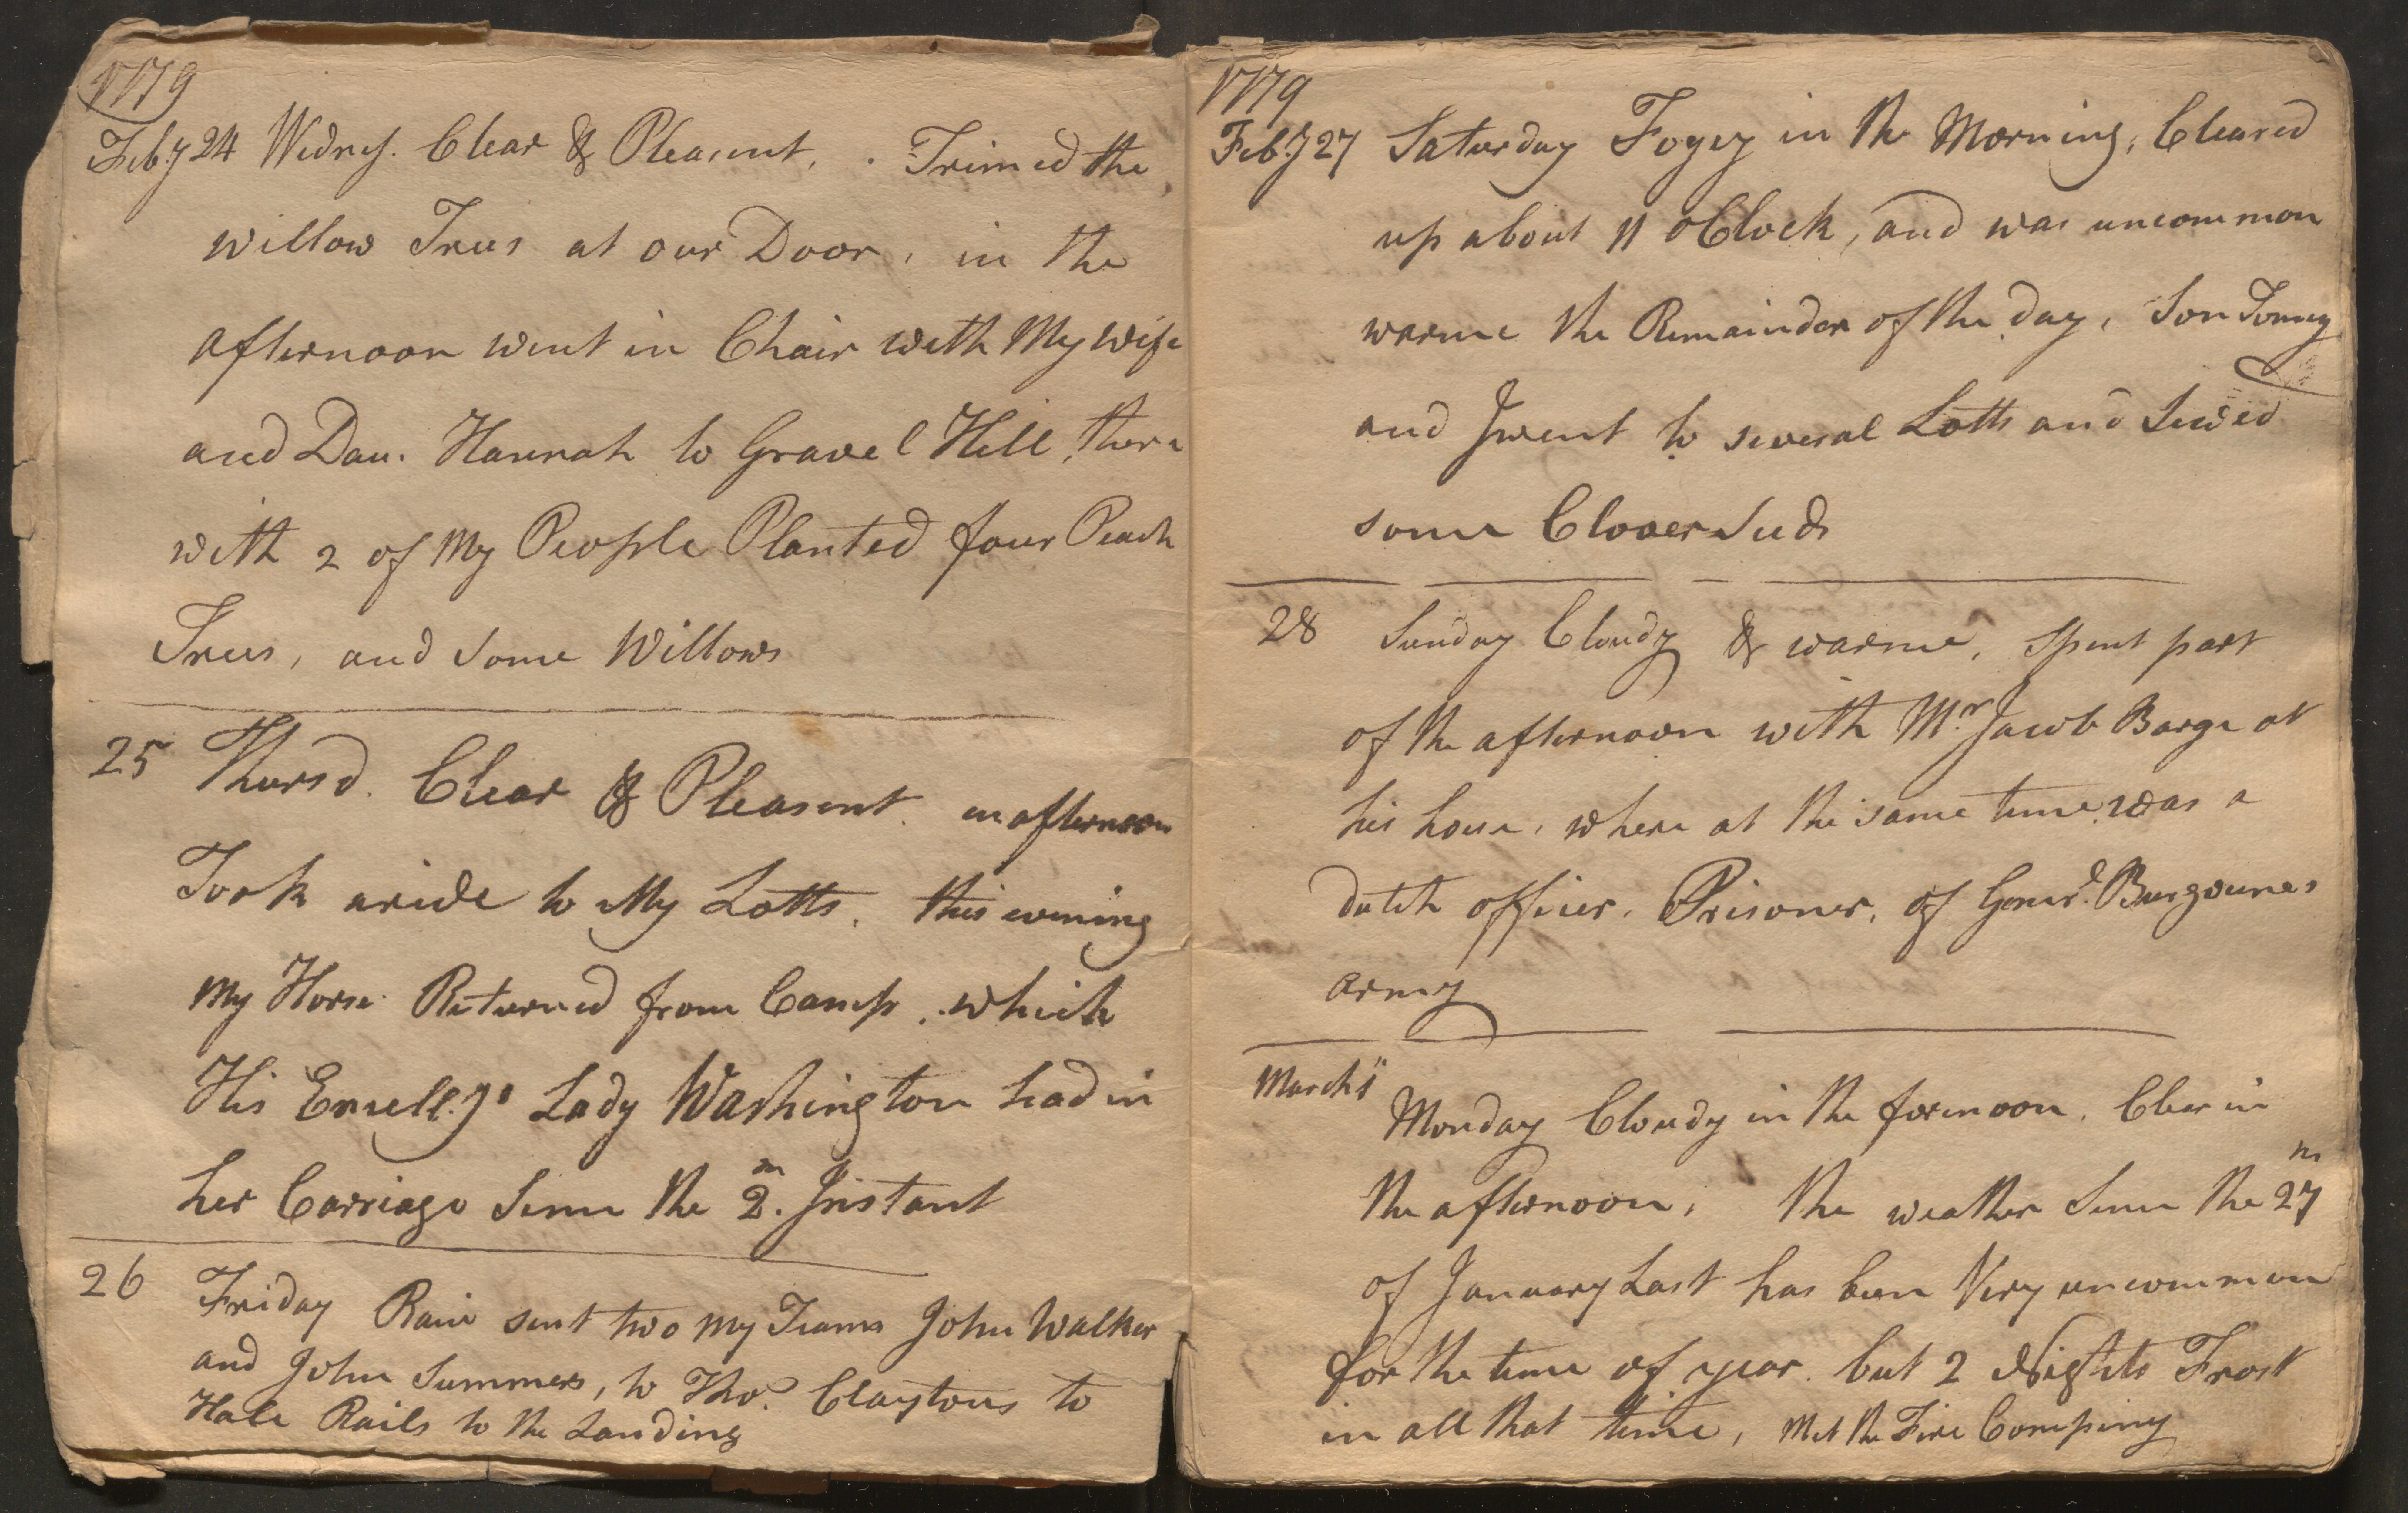1779
Feb^y. 24 Wednes. Clear & Pleasent. Trimed the
Willow Trees at our Door, in the
afternoon went in Chair with My wife
and Dan. Hannah to Gravel Hill there
with 2 of My People Planted four Peach
Trees, and some Willows
25
Thursd. Clear & Pleasent in afternoon
Took a ride to My Lotts. this evening
My Horse Returned from Camp, which
His Excell^y. Lady Washington had in
her Carriage Since the 2^d. Instant
26 Friday Rains sent two My Teams John Walker
and John Summers, to Tho^s. Claytons to
Hale Rails to the Landing
1779
Feb^y. 27 Saturday Fogey inthe Morning, Cleared
up about 11 oClock, and was uncommon
warme the Remainder of the day. Son Tomey
and I went to several Lotts and sewed
some Clover seed
28 Sunday Cloudy & warme. spent part
of the afternoon with M^r. Jacob Barge at
his house, where at the same time was a
dutch officer, Prisoner, of Gener^l. Burgounes
army
March 1^t
Monday Cloudy in the forenoon, Clear in
the afternoon. the weather since the 27^th
of January Last has been Very uncommon
for the time of year but 2 Nights Frost
in all that time, met the Fire Compiny